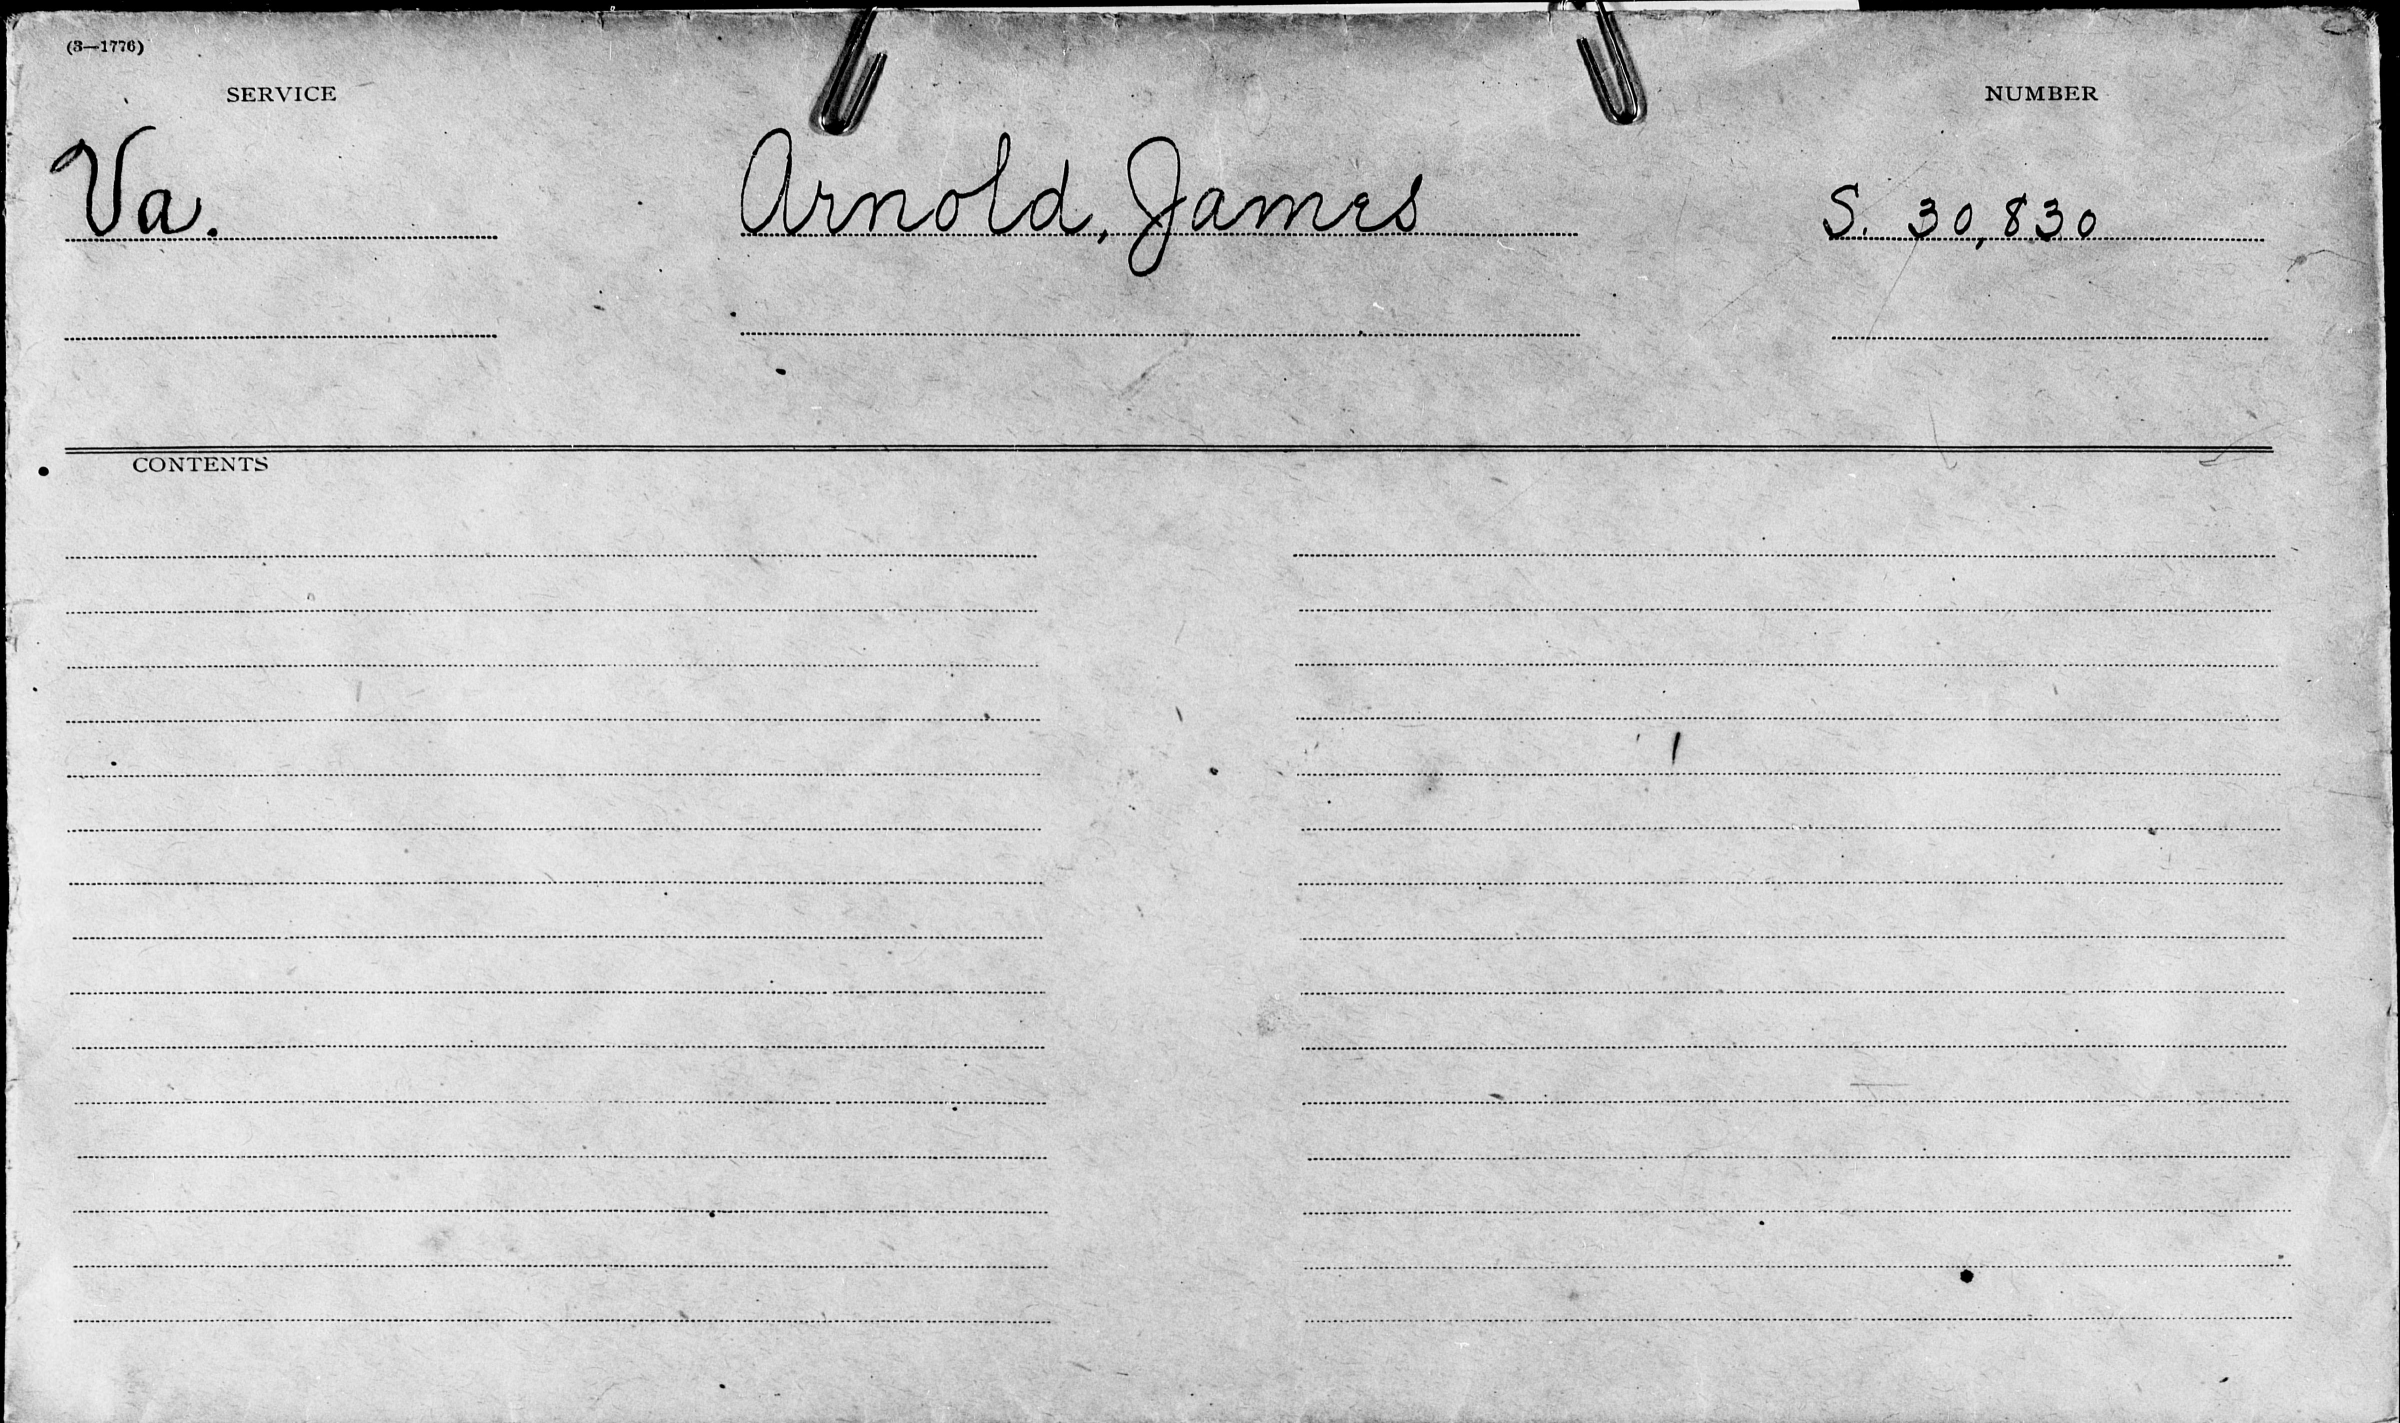(Duplicate)

(3-1776)

SERVICE
Va. 

Arnold, James

NUMBER
S. 30,830

CONTENTS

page: 2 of 32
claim: survivor's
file: S. 30,830, James Arnold, Va.